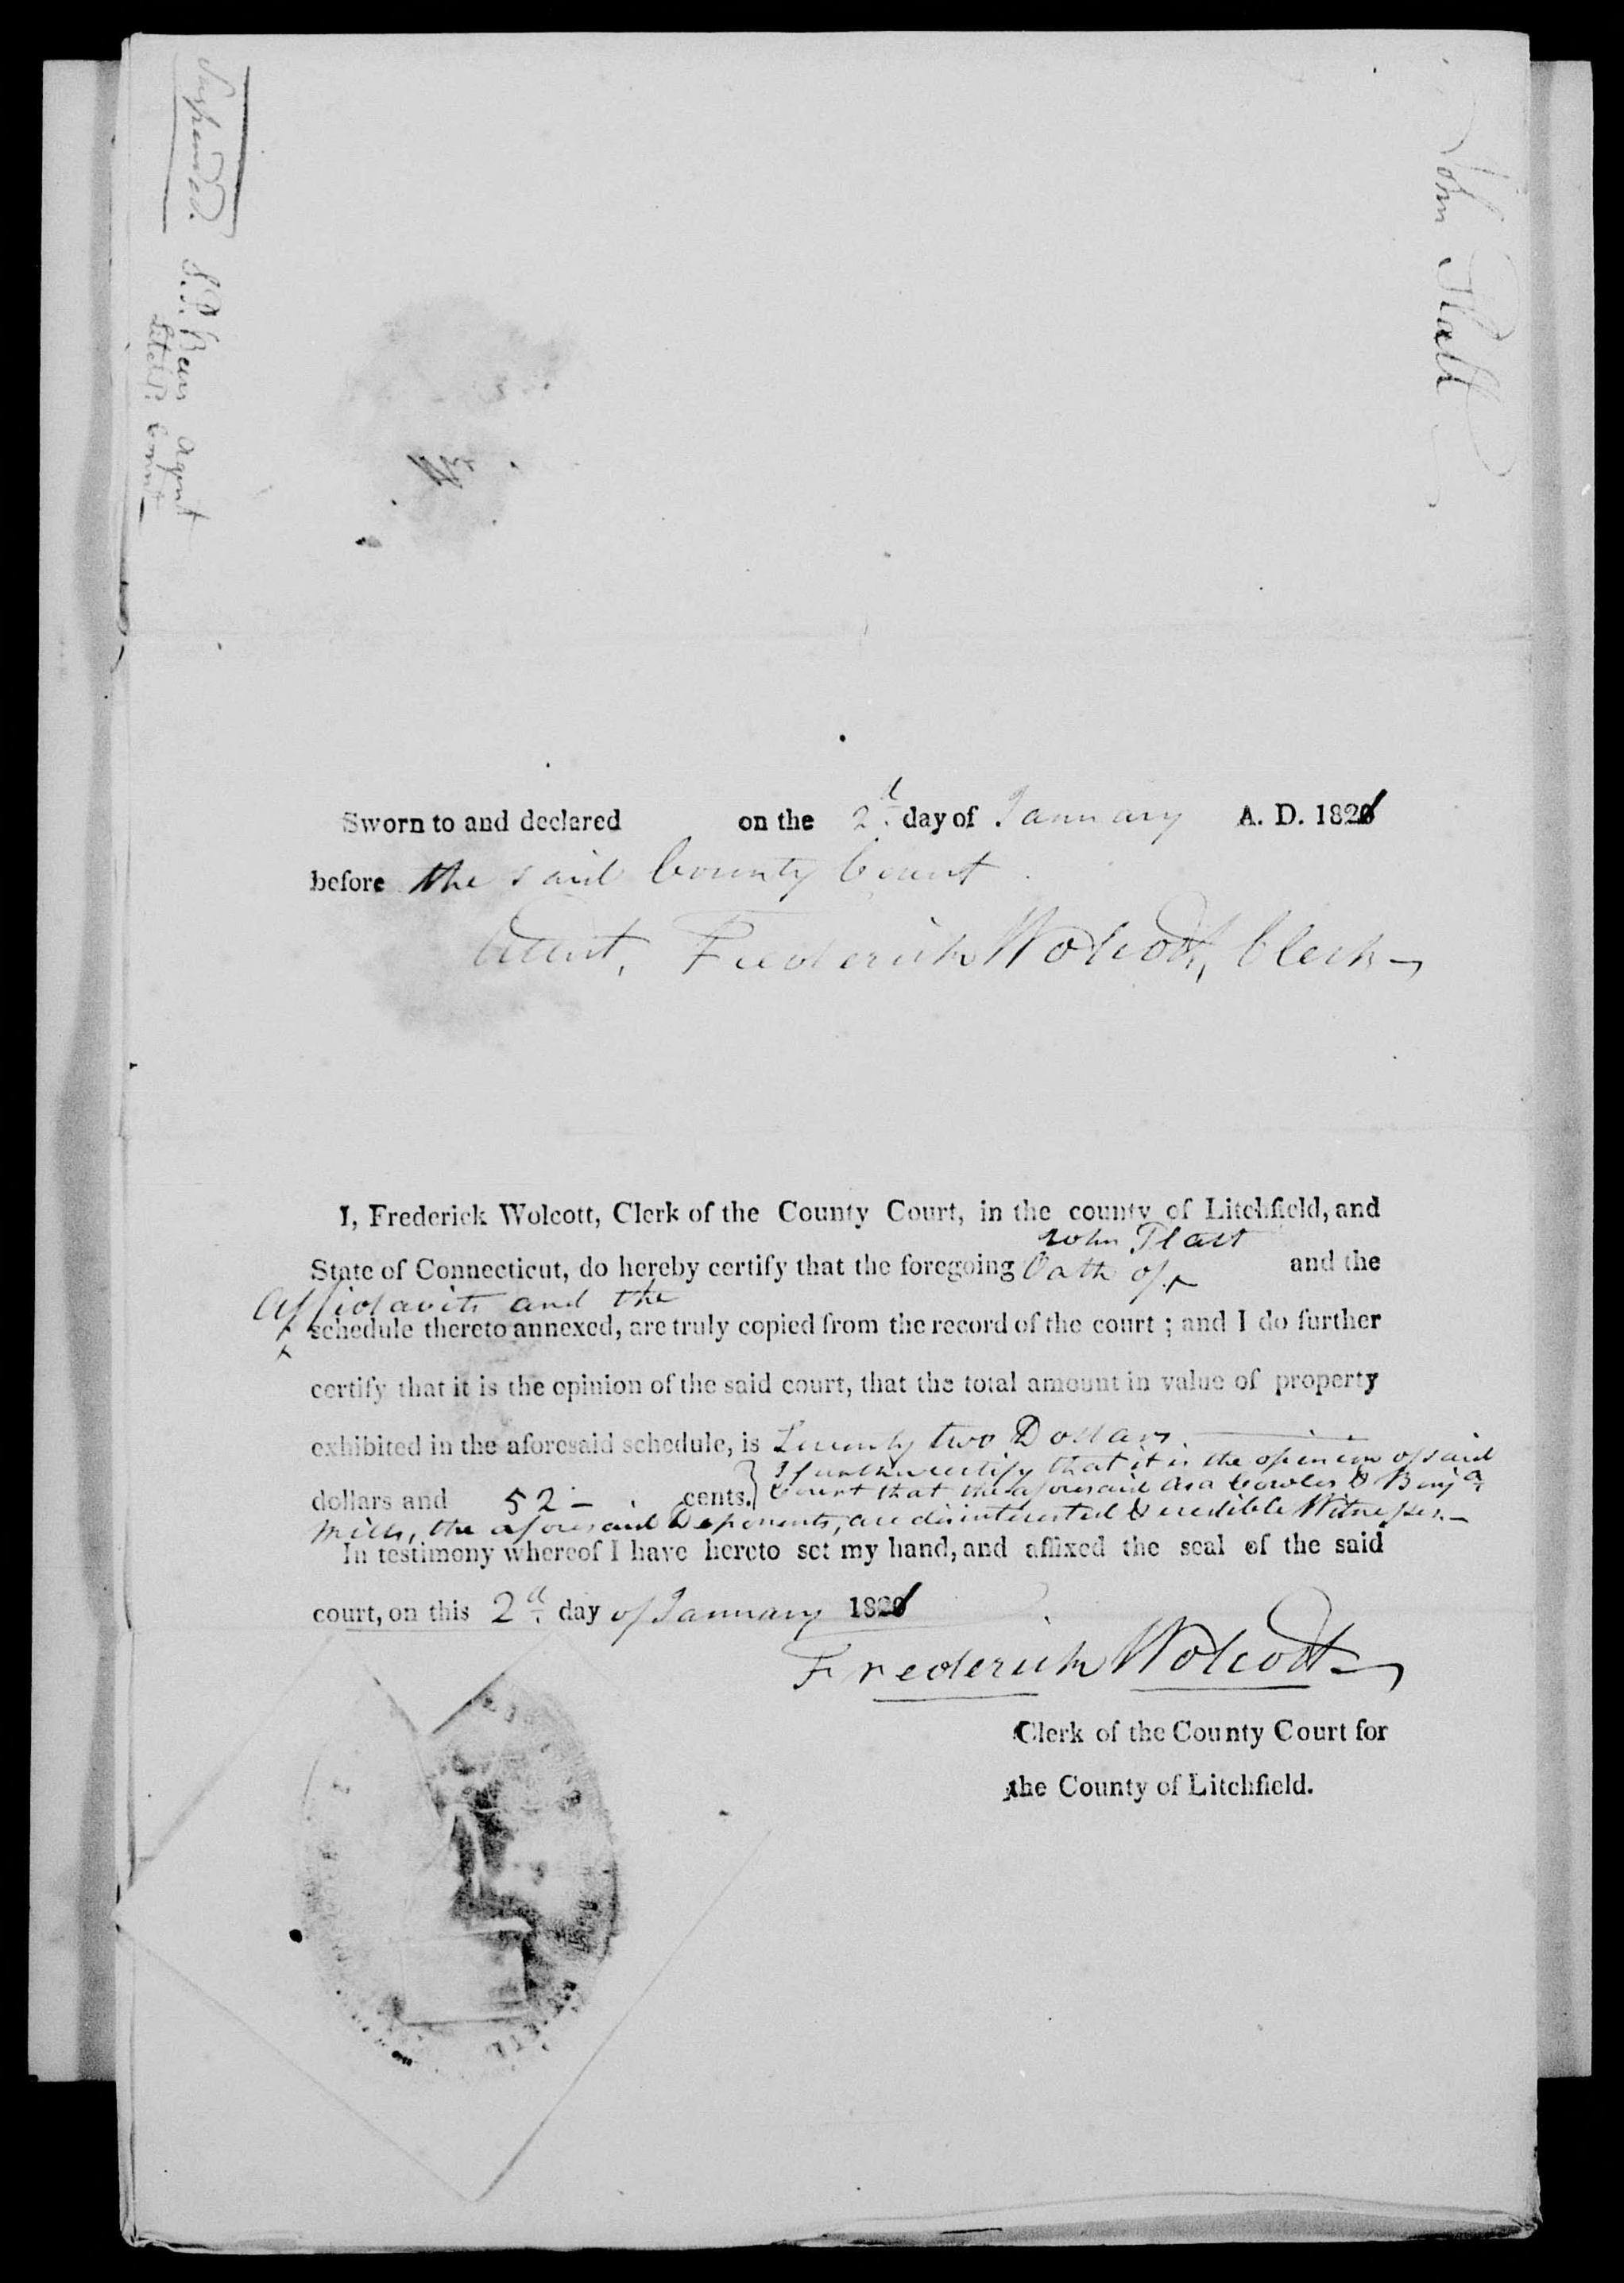John Pratt
Suspended 
S P Beers Agent
Litchfield Connt
Sworn to and declared on the 2d day of January A. D. 1826
before the said County Court
Attnt, Frederick Wolcott, Clerk-
I Frederick Wolcott, Clerk of the County Court, in the county of Litchfield, and
State of Connecticut, do hereby certify that the foregoing John Platt Oath of and the
affidavit and the schedule thereto annexed, are truly copied from the record of the court; and I do further
certify that it is the opinion of the said court,  that the total amount in value of property
exhibited in the aforesaid schedule, is Twenty two Dollars
dollars and 52 - cents.} I further certify that it is the opinion of said
Court that the aforesaid Asa Cowles & Benj
Mills the aforesaid Deponents, are disinterested & credible Witnesses
In testimony whereof I have hereto set my hand, and affixed the seal of the said
court, on this 2 day of January 1826
Frederick Wolcott
Clerk of the County Court for
the County of Litchfield.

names: S P Beers; Frederick Wolcott; John Platt; Asa Cowles; Benja Mills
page: 7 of 12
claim: survivor's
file: S. 36,233, for John Platt, Connecticut